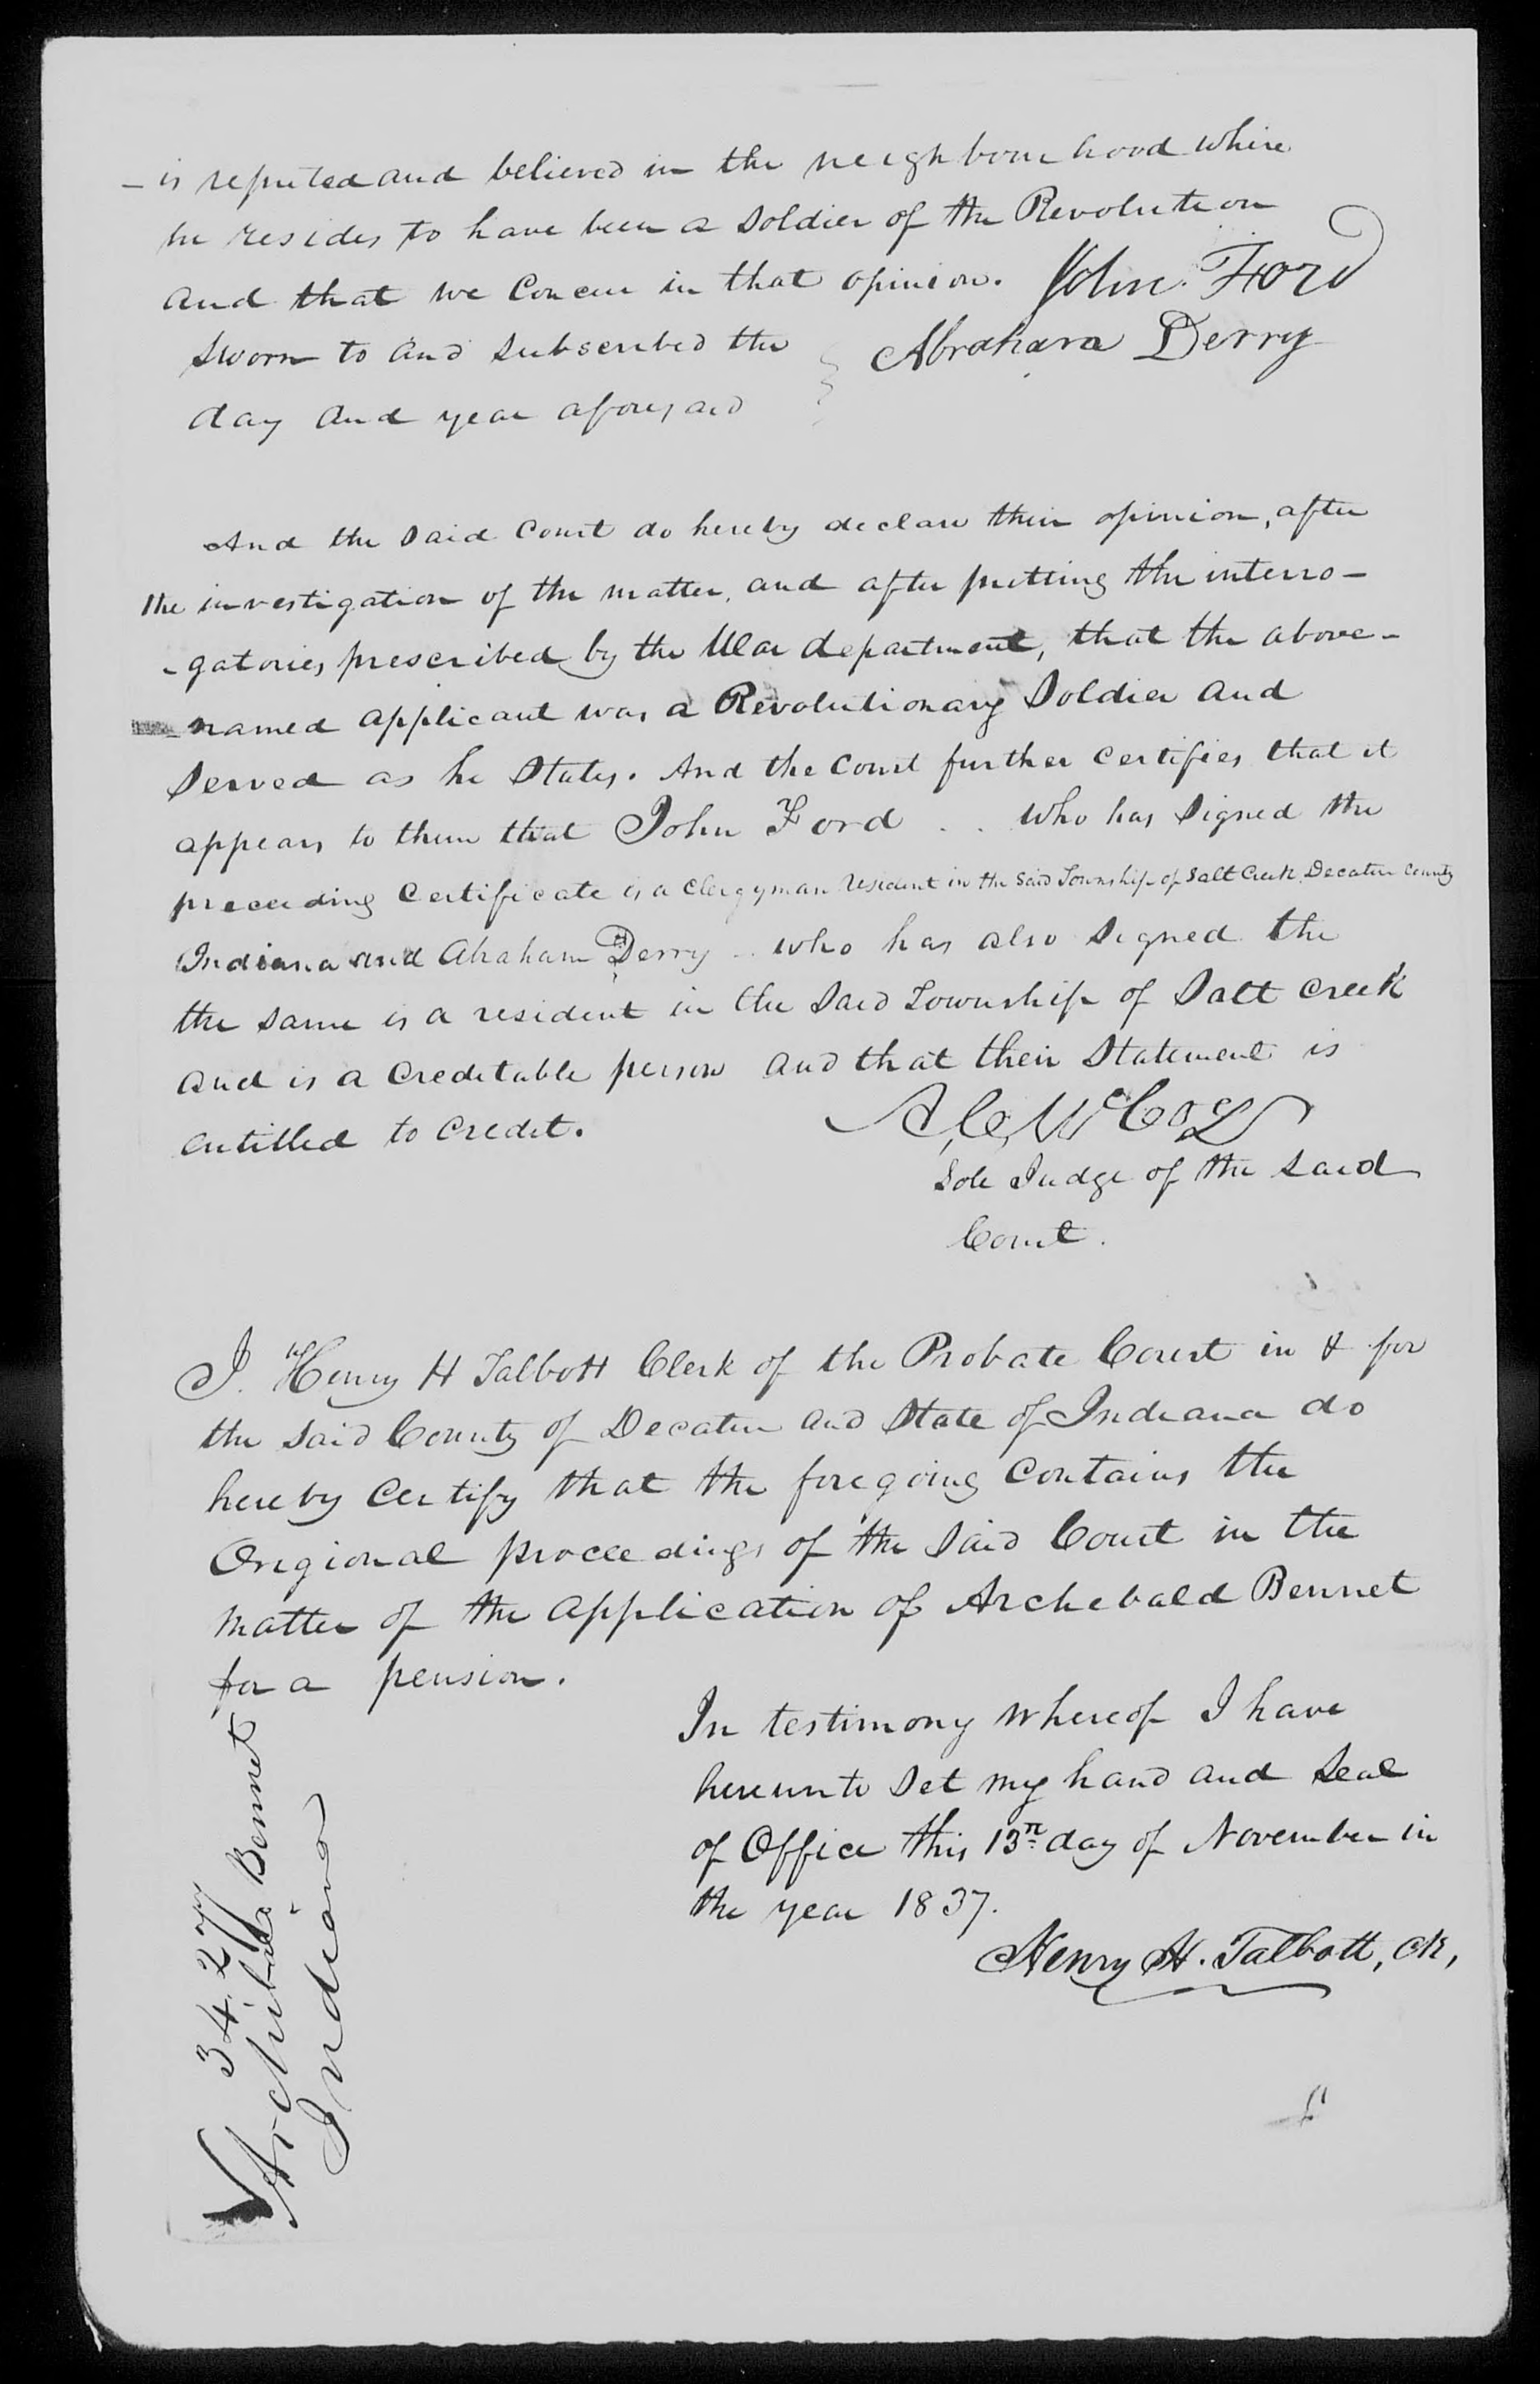is reputed and believed in the neighborhood where he resides to have been a soldier of the Revolution and that we concur in the opinion.
Signed:  John Ford, Abraham Derry

Sworn to and subscribed the day and year aforesaid.

And the said court do hereby declare their opinion, after the investigation of the matter and after putting the interrogatories prescribed by the War Department, that the above named applicant was a Revolutionary soldier and served as he states.  And the court further certifies that it appears to them that John Ford, who has signed the preceding certificate, a clergyman residing in said township of Salt Creek, Decatur County, Indiana and Abraham Derry, who has also signed the same, is a resident in the said township of Salt Creek and is a credible person and that their statement is entitled to credit.  
Signed: A. C. Mc Coy
Sole judge of the said court

I, Henry H. Talbott, clerk of the probate court in and for the said county of Decatur and state of Indiana, do hereby certify that the foregoing contains the original proceedings of the said court in the matter of the application of Archibald Bennet for a pension.  

In testimony whereof I have hereunto set my hand and seal of office this 13th day of November in the year 1837.
Signed:  Henry H. Talbott, Clk.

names: A C Mc Coy, Henry H Talbott, John Ford, Abraham Derry, Henry H Talbott, Archibald Bennet, Archibald Bennet, John Ford, Abraham Derry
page: 5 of 9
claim: rejected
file: R 749, Archibald Bennet, Penn.